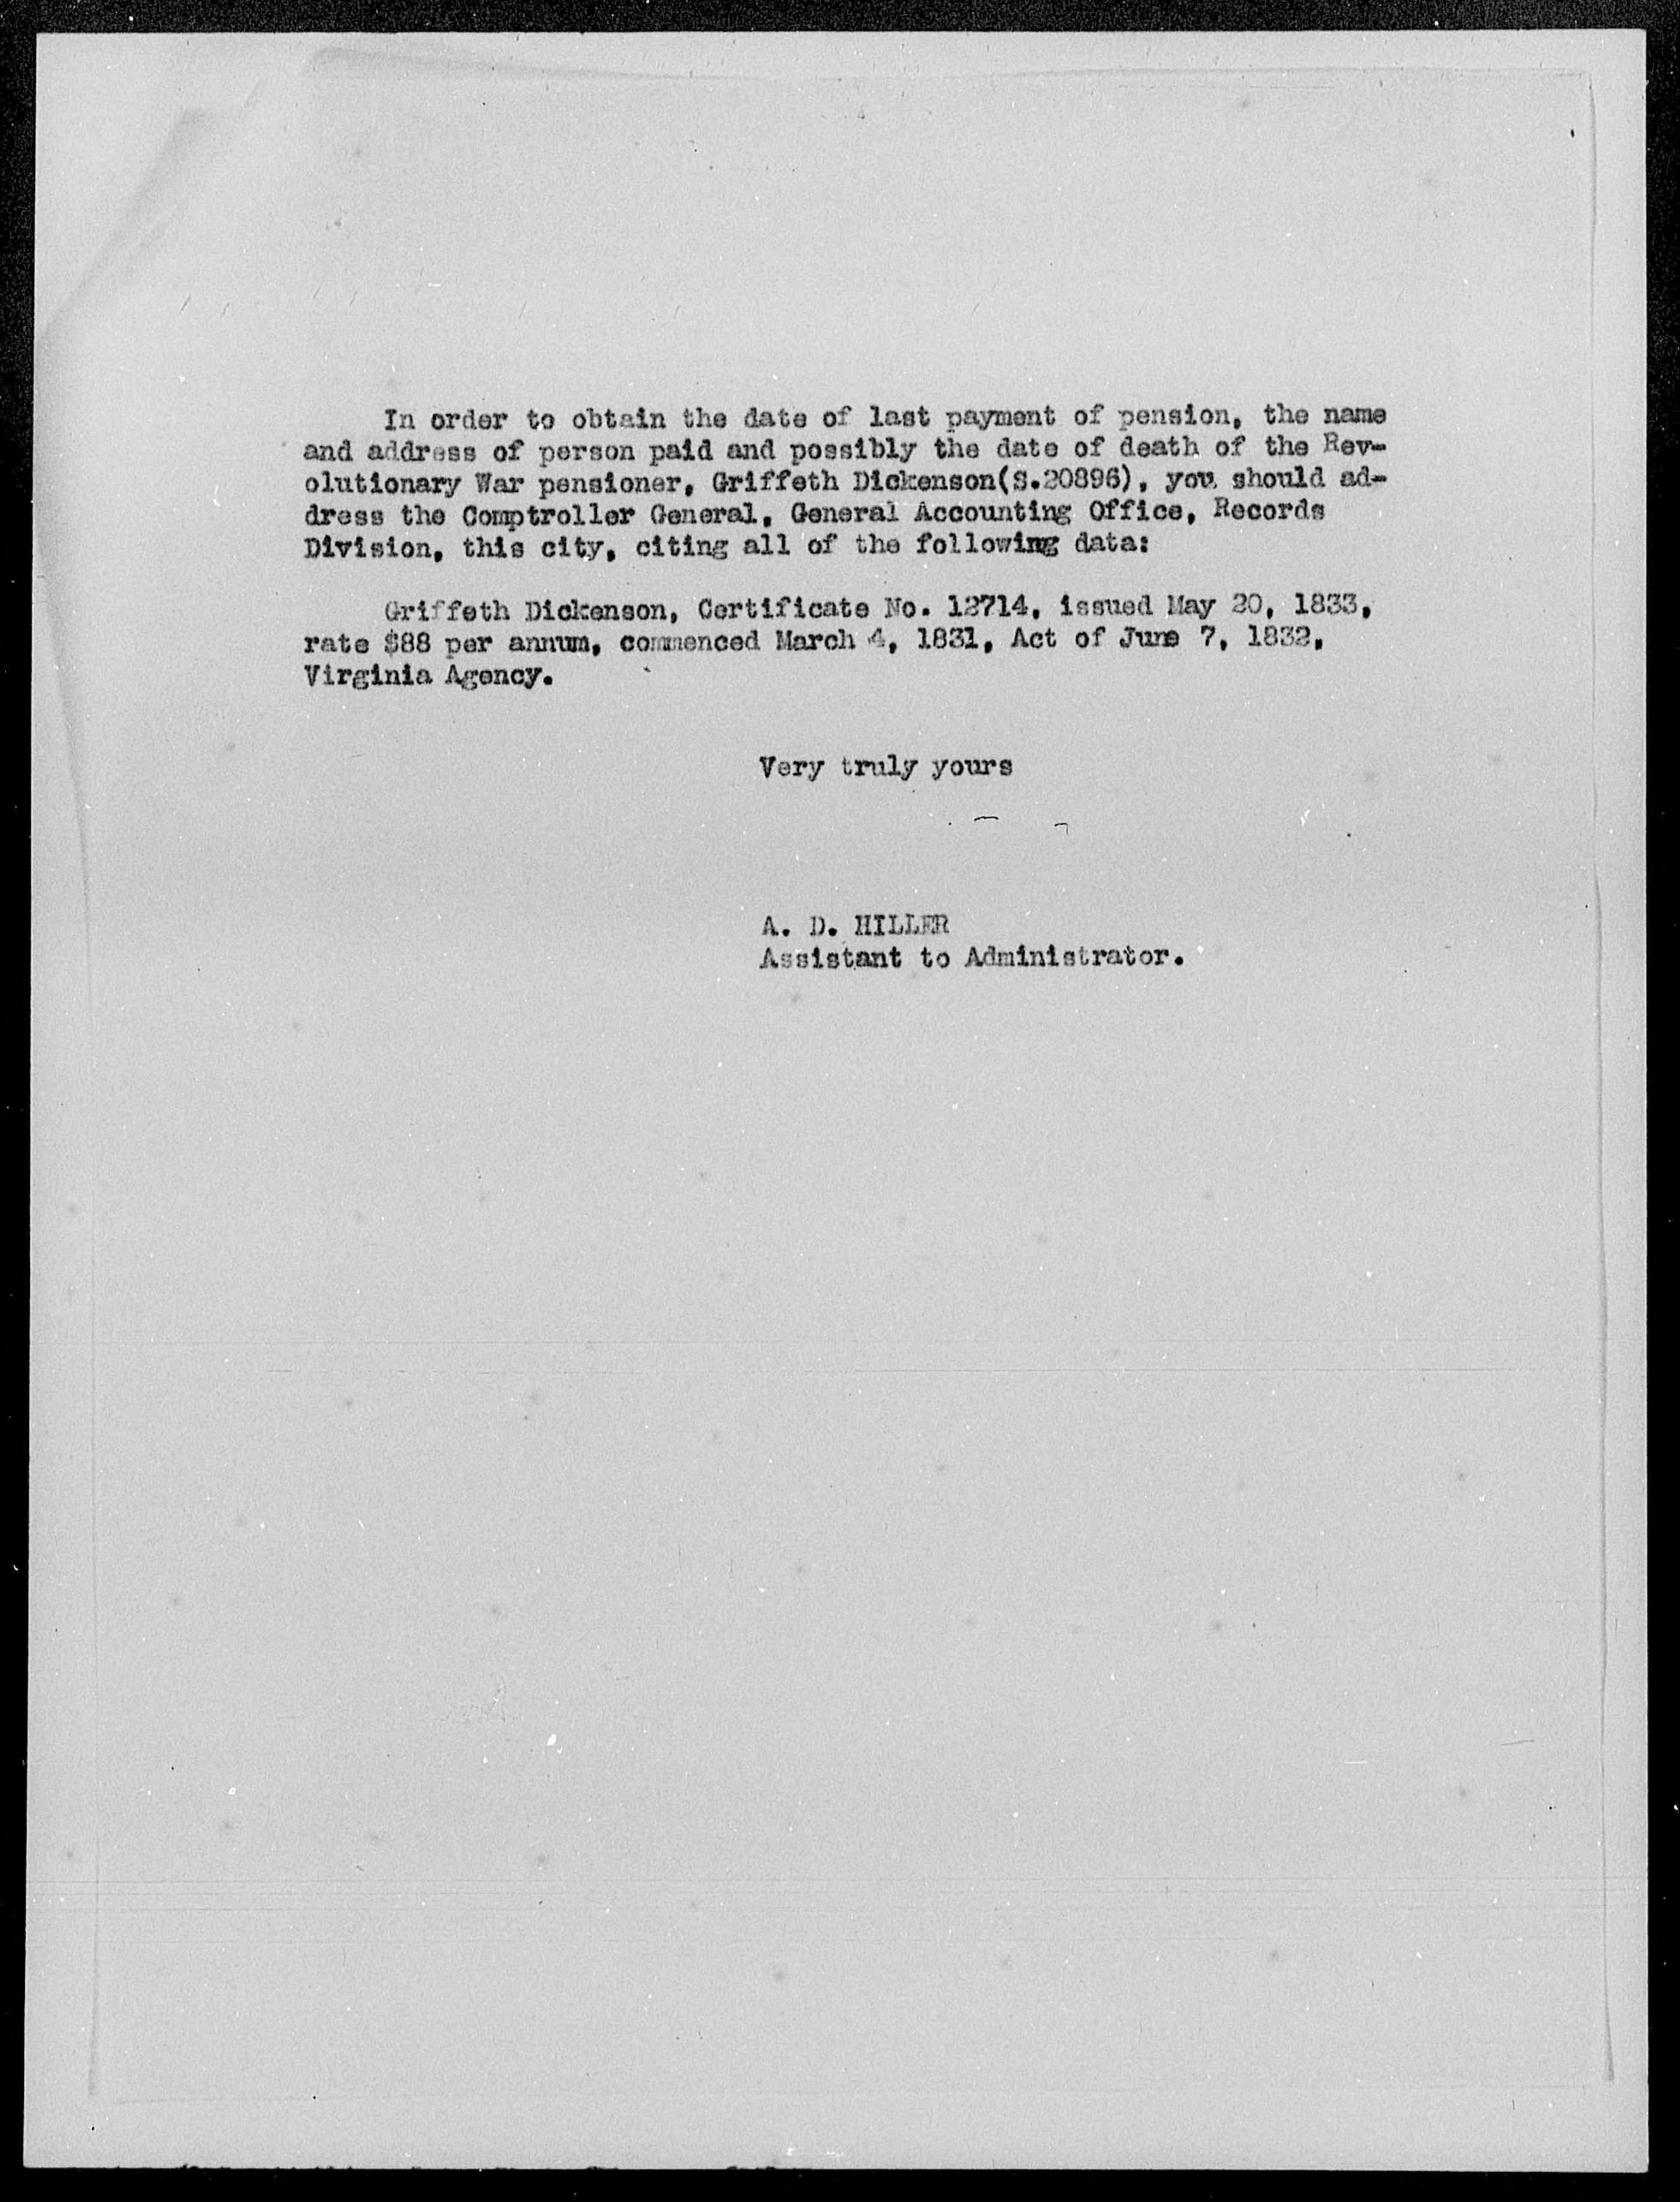In order to obtain the date of last payment of pension, the name and address of person paid and possibly the date of death of the Revolutionary War pensioner, Griffeth Dickenson (S.20896), you should address The Comptroller General, General Accounting Office, Records Division, this city, and cite the following data:

Griffeth Dickenson, Certificate No. 12714, issued May 20, 1833, rate $88 per annum, commence March 4, 1831, Act of June 7, 1832, Virginia Agency.

Very truly yours

A.D. Hiller
Assistant to the Adminstrator.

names: A D Hiller, Griffeth Dickenson, Griffeth Dickenson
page: 21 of 26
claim: survivor's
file: S. 20896, Griffeth Dickenson, Ga. Va.